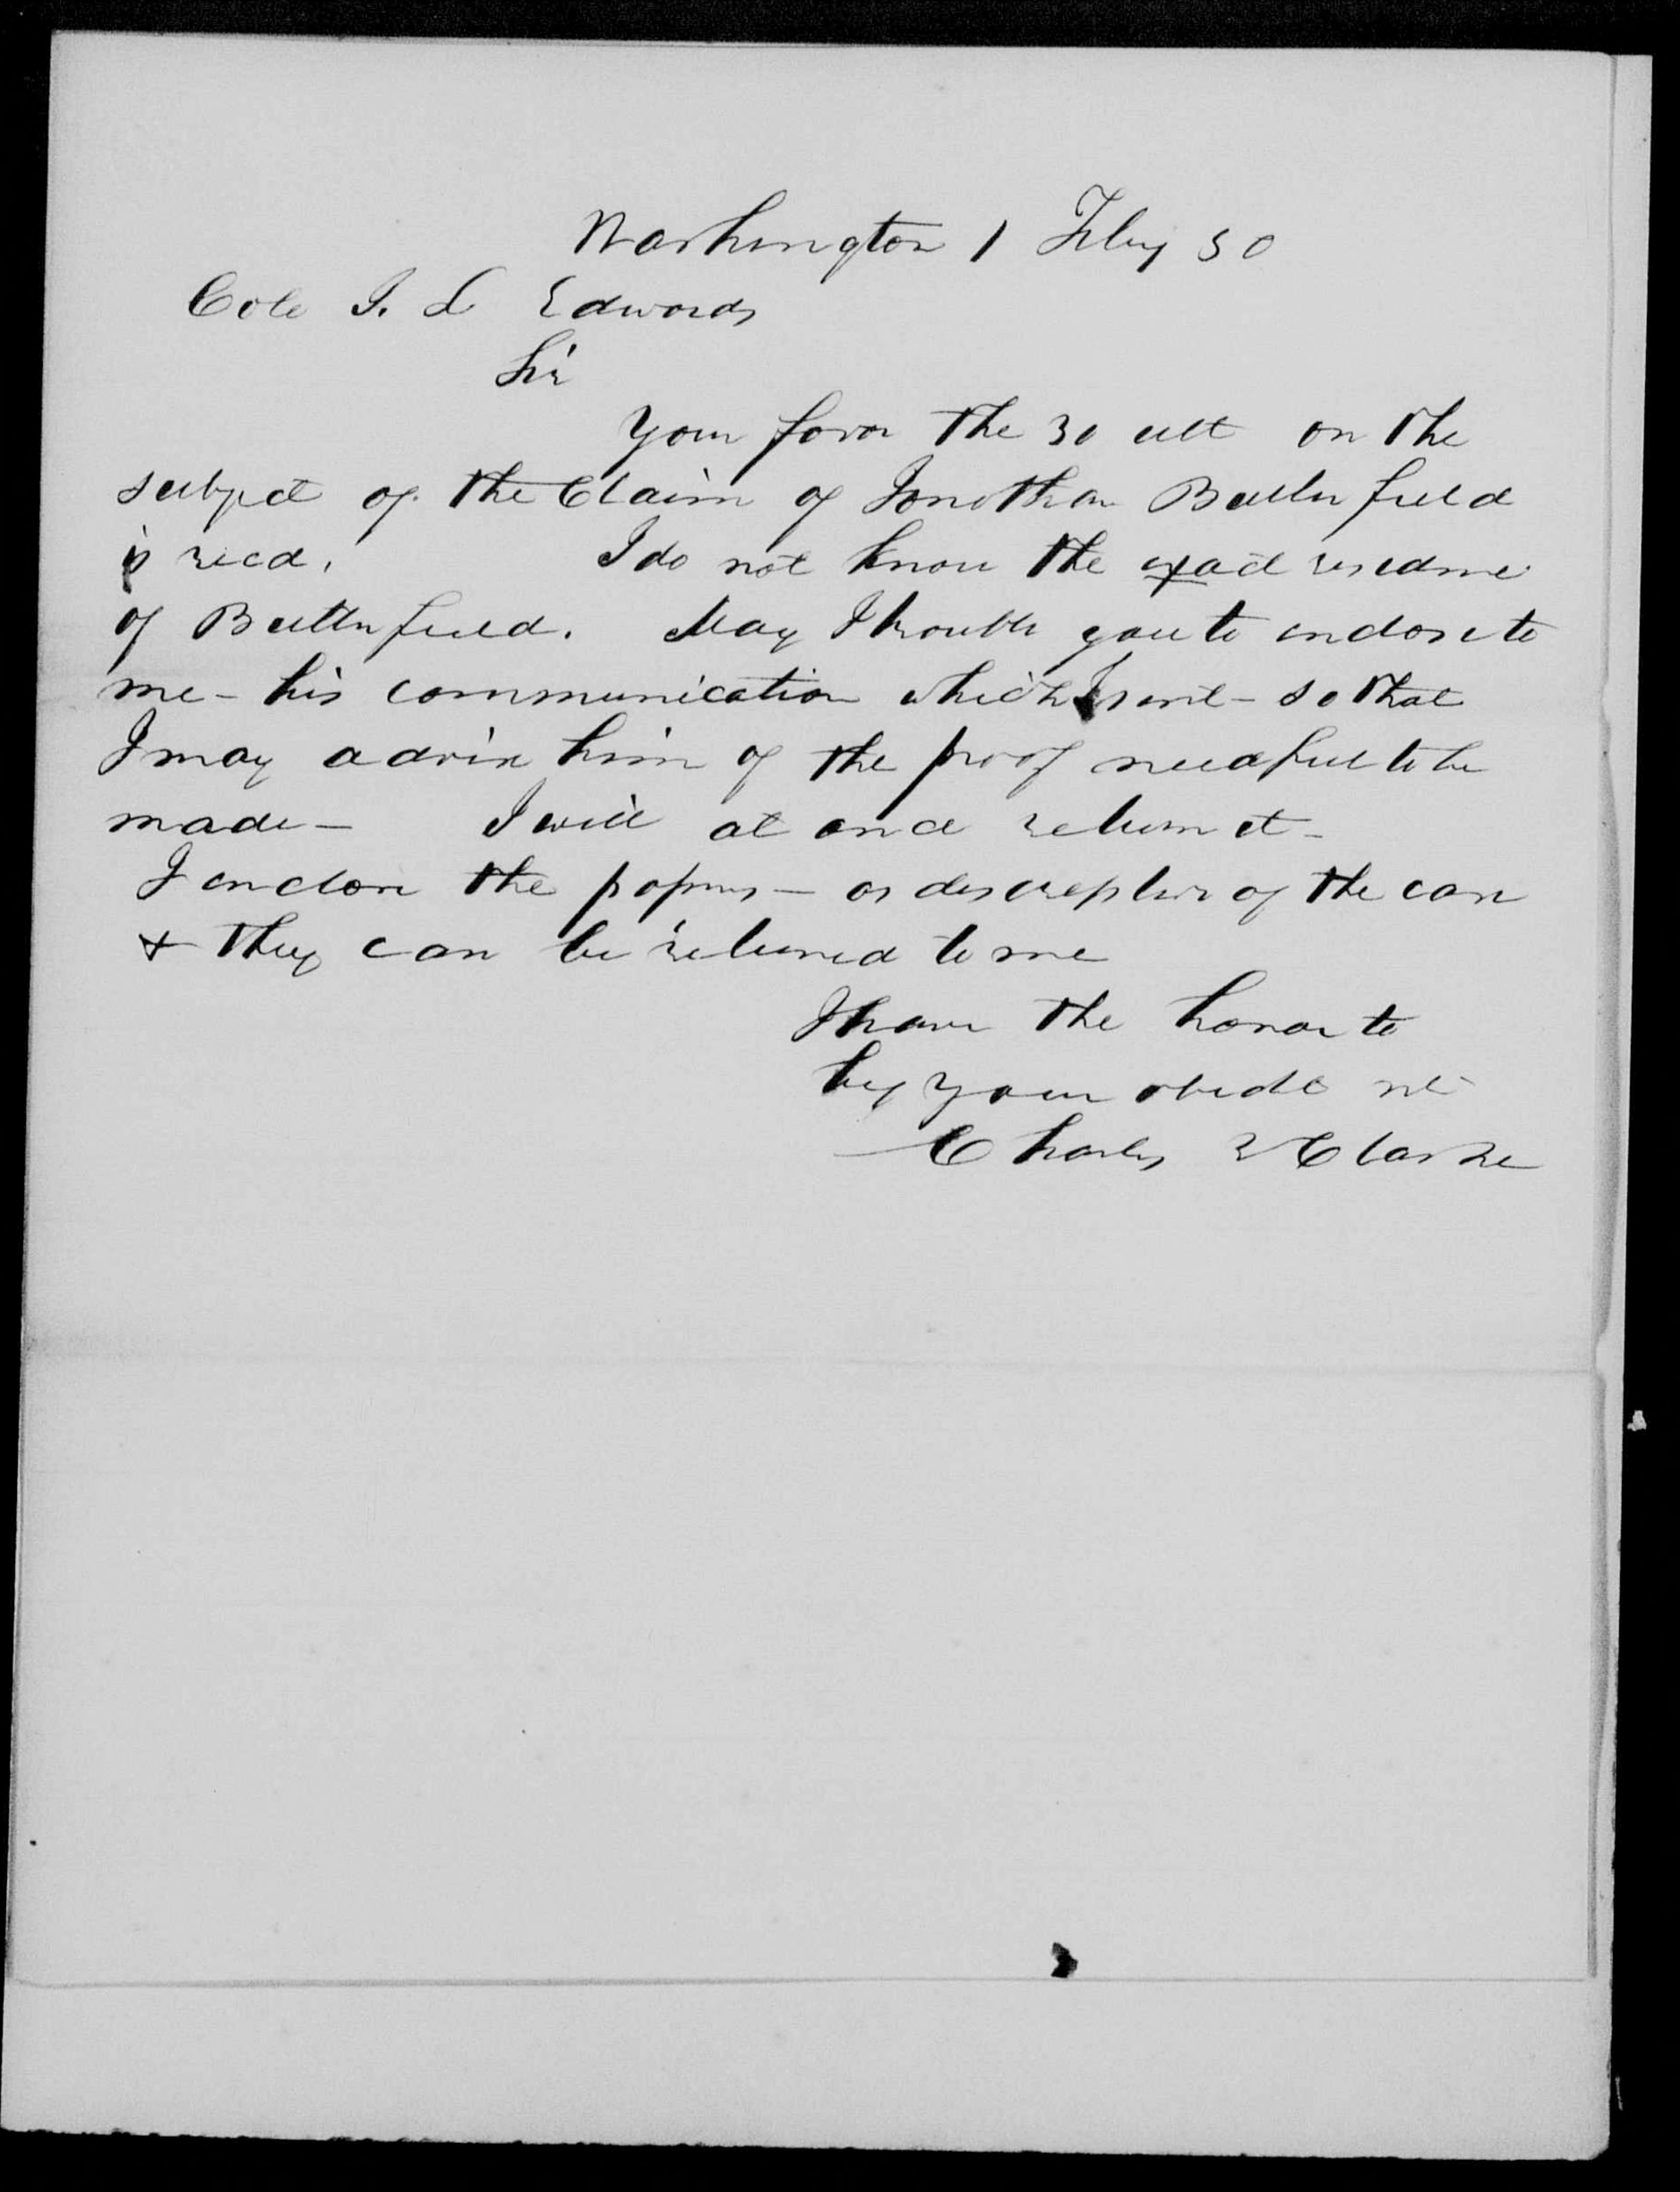Washington, 1 Feb  1850
Col. J.L. Edwards
Sir
Your form the 30 ult on the subject of the claim of Jonathan Butterfield is recd
I do not know the exact result of Butterfield. May I trouble you to enclose to me - his communication which sent-- so that
I may advise him of the proof needful to be
made. I will at once reply.
I enclose the papers-- or description of the case & they can be returned to me
I have the honor to
be your obedient servant
Charles R Clarke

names: Charles E Clarke, Butterfield, Jonathan Butterfield, J L Edwards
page: 34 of 40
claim: rejected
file: R. 1558, Jonathan Butterfield, Mass. Vt.